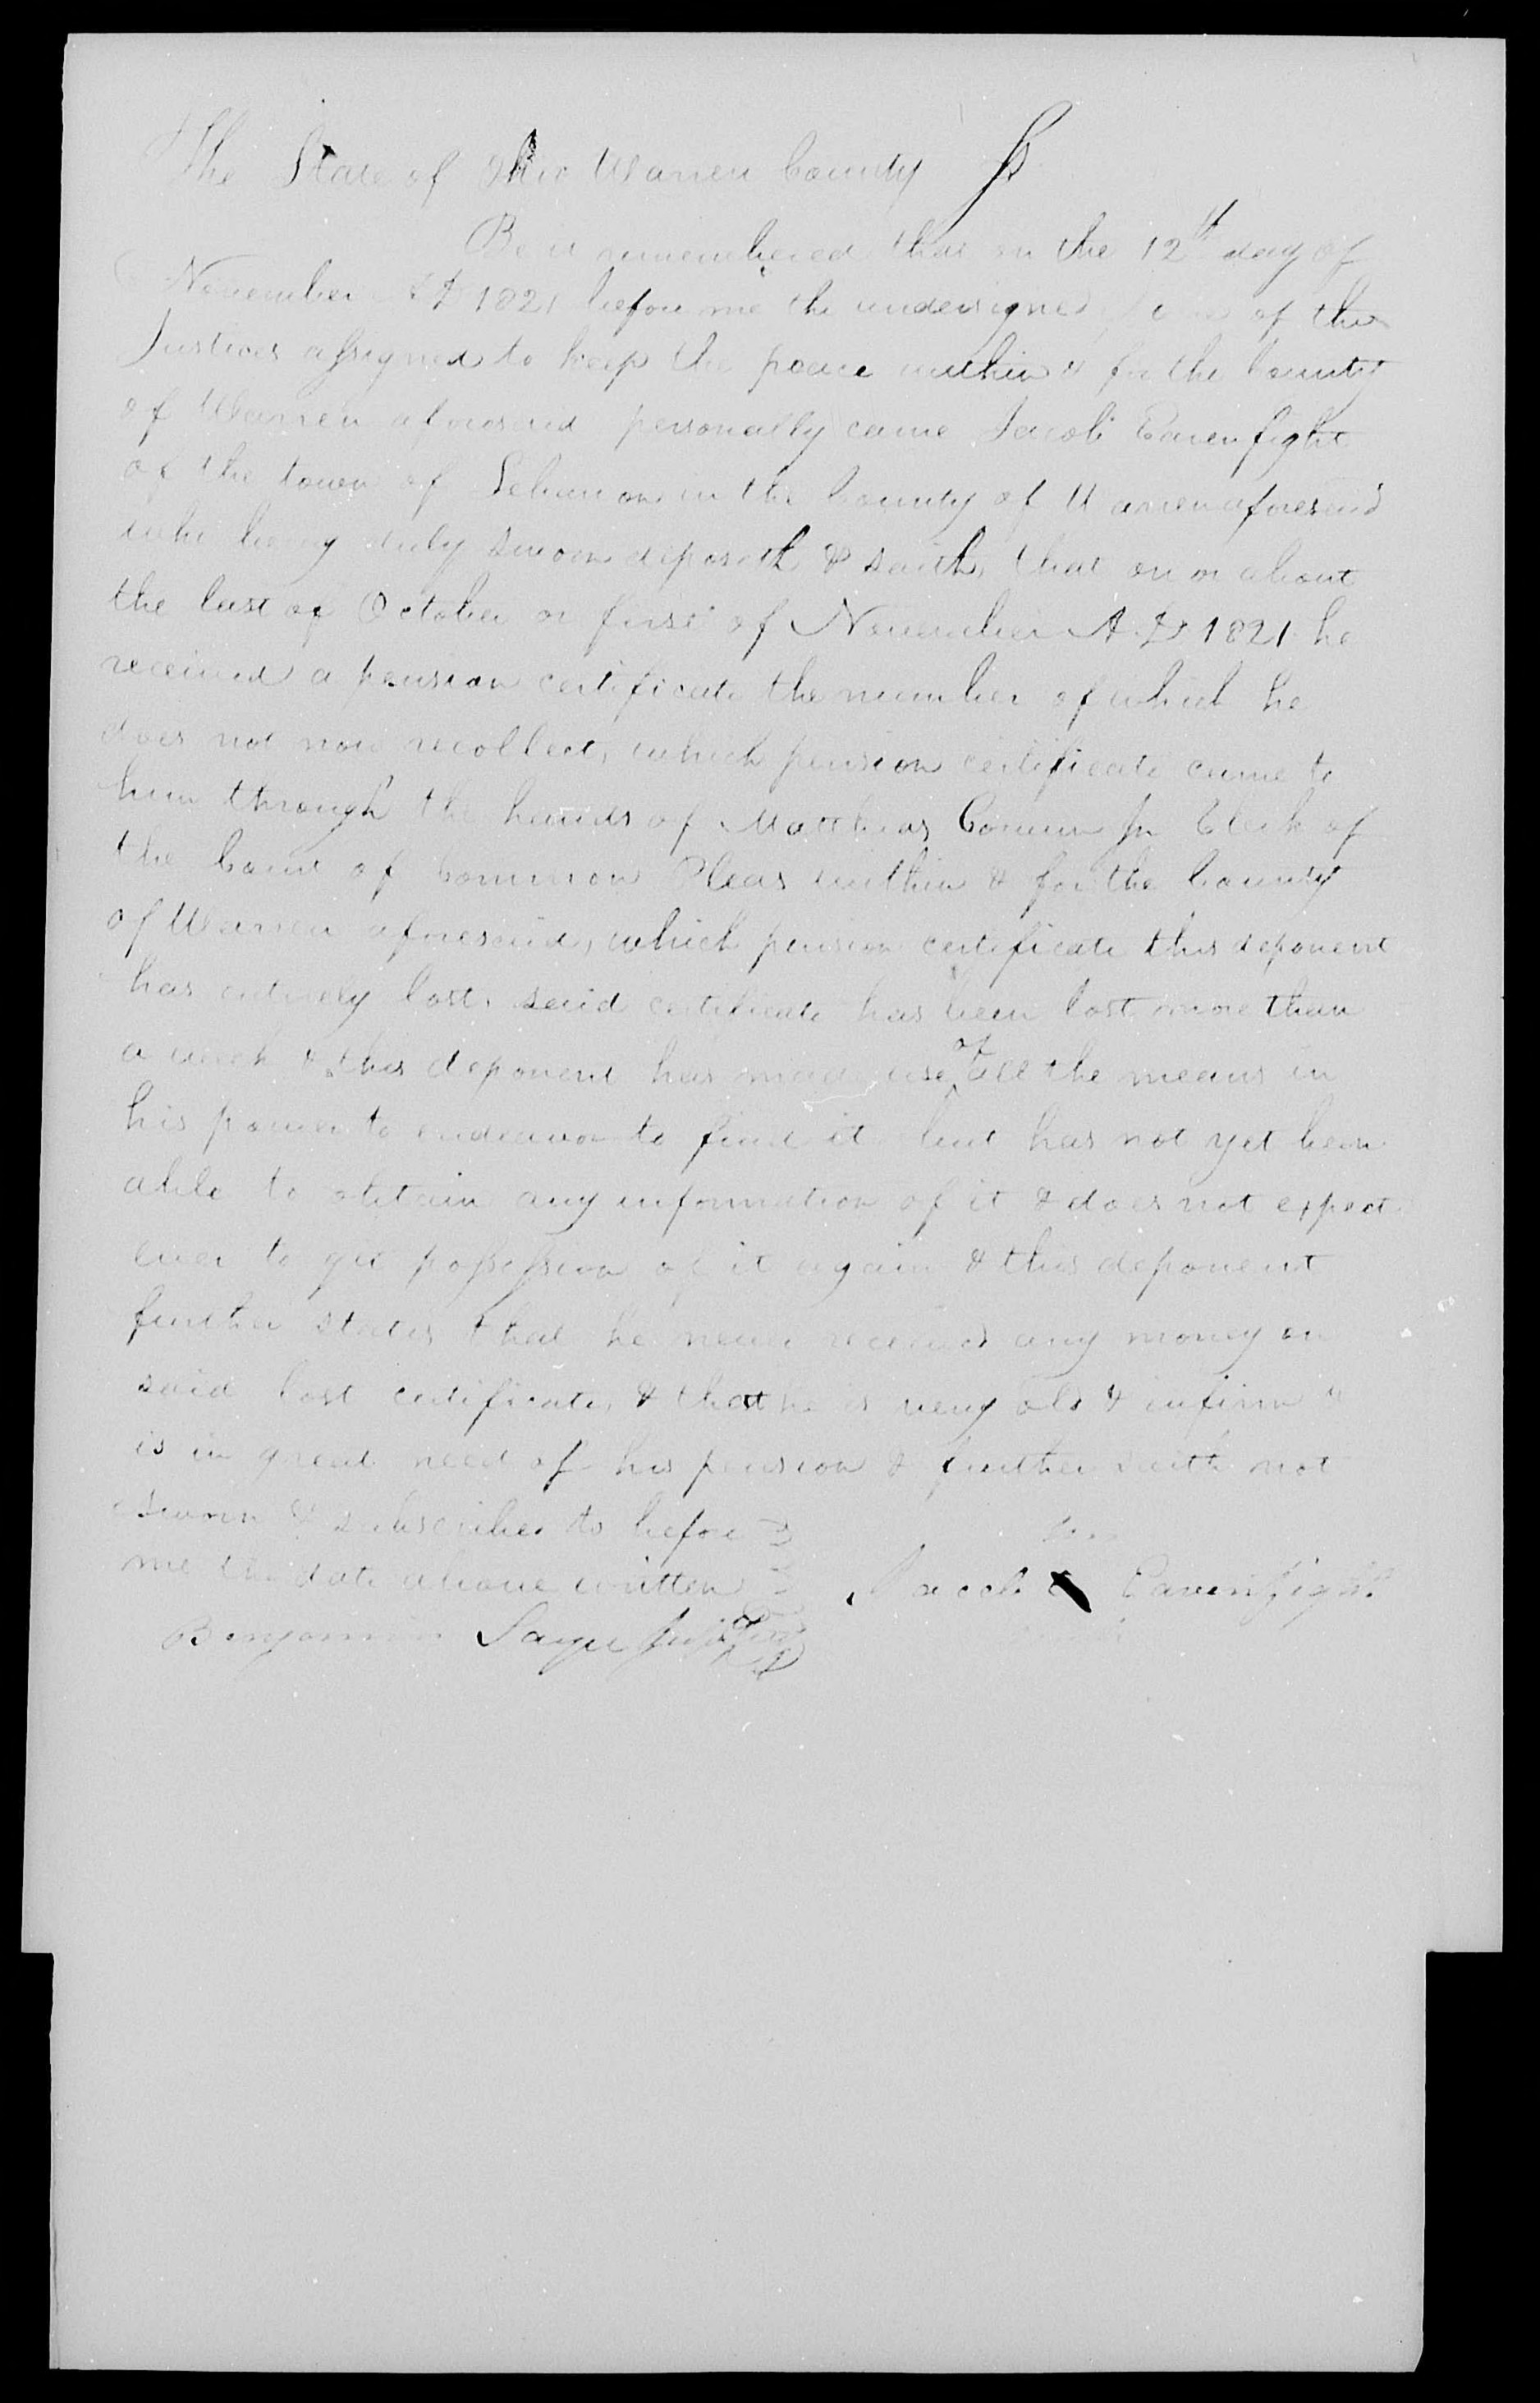The State of Ohio Warren County Ss
  Be it remembered that on the 12th day of November AD 1821 before me the undersigned [?]  of the Justices assigned to keep the peace within for the County of Warren aforesaid personally came Jacob Earenfight of the town of Lebanon in the County of Warren aforesaid who being duly sworn  deposeth & saith that on or about the last of October or first of November A.D. 1821 he received a pension certificate the number of which he does not now recollect, which pension certificate came to him through the hands of Matthias Corwin Jr Clerk of the Court of common Pleas within & for the County of Warren aforesaid which pension certificate this deponent has entirely     lost, said certificate has been lost more than a week and this deponent has made use of all the means in his power to endeavor to find it but has not yet been able to obtain any information of it & does not expect ever to get possession of it again & this deponent further states that he never received any money on said lost certificate & that he is very old & infirm is in great need of his pension & further saith not            Jacob Earenfight  his X mark
 Sworn & subscribed to before me the date above written
    Benjamin Sayer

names: Matthias Corwin, Jacob Earenfight, Benjamin Sayer, Jacob Earenfight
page: 21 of 21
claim: survivor's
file: S. 42691, Jacob Earenfight, Continental Ohio Residence And Agency